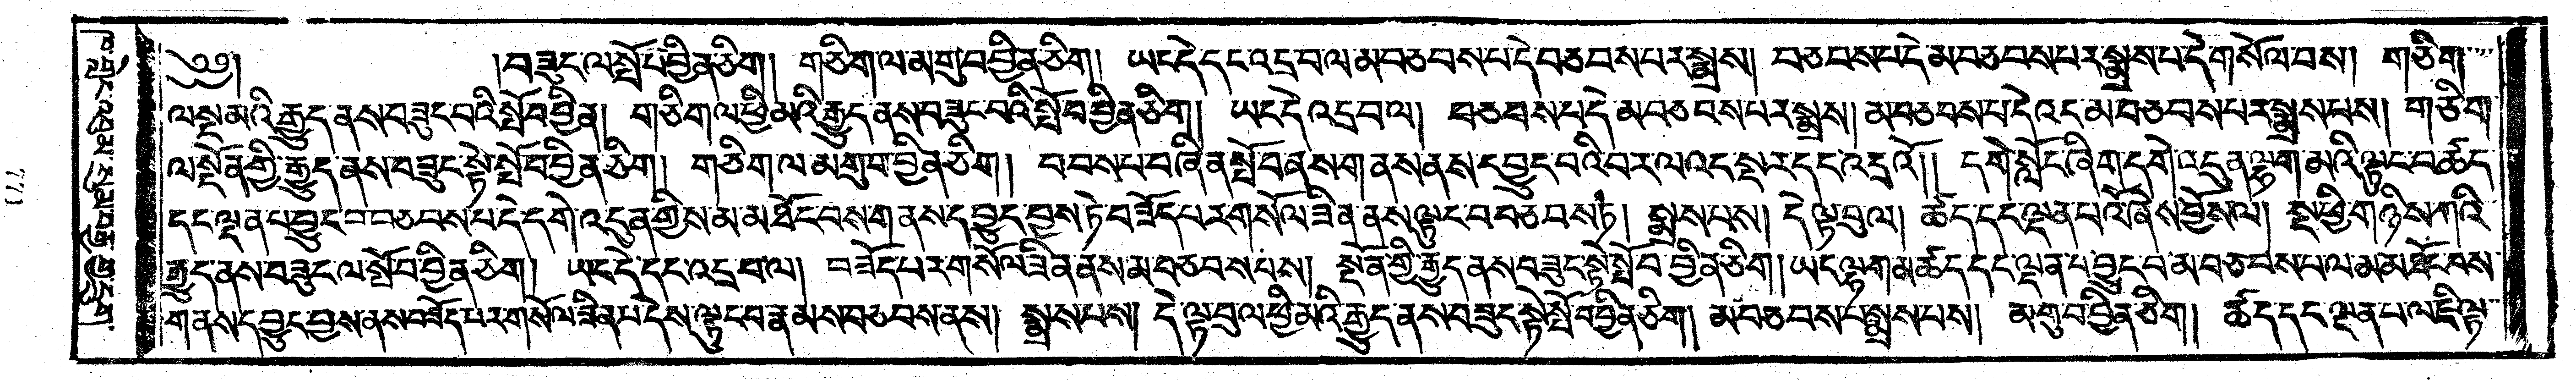༄༅། །བཟུང་ལ་སྤོ་པ་བྱིན་ཅིག། གཅིག་ལ་མགུ་བ་བྱིན་ཅིག། ཡང་དེ་དང་འདྲ་བ་ལ་མ་བཅབས་པ་དེ་བཅབས་པར་སྨྲས། བཅབས་པ་དེ་མ་བཅབས་པར་སྨྲས་པ་དེ་གསོལ་བས། གཅིག་
ལ་སྔ་མའི་རྒྱུད་ནས་བཟུང་བའི་སྤོ་བ་བྱིན། གཅིག་ལ་ཕྱི་མའི་རྒྱུད་ནས་བཟུང་བའི་སྤོ་བ་བྱིན་ཅིག། ཡང་དེ་འདྲ་བ་ལ། བཅབས་པ་དེ་མ་བཅབས་པར་སྨྲས། མ་བཅབས་པ་དེའང་མ་བཅབས་པར་སྨྲས་པས། གཅིག་
ལ་སྔོན་གྱི་རྒྱུད་ནས་བཟུང་སྟེ་སྤོ་བ་བྱིན་ཅིག། གཅིག་ལ་མགུ་བ་བྱིན་ཅིག། བབས་པ་བཞིན་སྤོ་བ་ནས་གནས་ནས་དབྱུང་བའི་བར་ལའང་སྔར་དང་འདྲའོ།། དགེ་སློང་ཞིག་དགེ་འདུན་ལྷག་མའི་ལྟུང་བ་ཚད་
དང་ལྡན་པ་བྱུང་བ་བཅབས་པ་དེ་དགེ་འདུན་གྱིས་མ་མཐོང་བས་གནས་དབྱུང་བྱས་ཏེ་བཟོད་པར་གསོལ་ཟིན་ནས་ལྟུང་བ་བཅབས་ཏེ། སྨྲས་པས། དེ་ལྟ་བུ་ལ། ཚད་དང་ལྡན་པའོ་ཞེས་བྱོས་ལ། སྔ་ཕྱི་གཉིས་ཀའི་
རྒྱུད་ནས་བཟུང་ལ་སྤོ་བ་བྱིན་ཅིག། ཡང་དེ་དང་འདྲ་བ་ལ། བཟོད་པར་གསོལ་ཟིན་ནས་མ་བཅབས་པས། སྔོན་གྱི་རྒྱུད་ནས་བཟུང་སྟེ་སྤོ་བ་བྱིན་ཅིག། ཡང་ལྷག་མཚད་དང་ལྡན་པ་བྱུང་བ་མ་བཅབས་པ་ལ་མ་མཐོང་བས་
གནས་དབྱུང་བྱས་ནས་བཟོད་པར་གསོལ་ཟིན་པ་དེས་ལྟུང་བ་རྣམས་བཅབས་ནས། སྨྲས་པས། དེ་ལྟ་བུ་ལ་ཕྱི་མའི་རྒྱུད་ནས་བཟུང་སྟེ་སྤོ་བ་བྱིན་ཅིག། མ་བཅབས་པ་སྨྲས་པས། མགུ་བ་བྱིན་ཅིག། ཚད་དང་ལྡན་པ་ལ་ཇི་ལྟ་